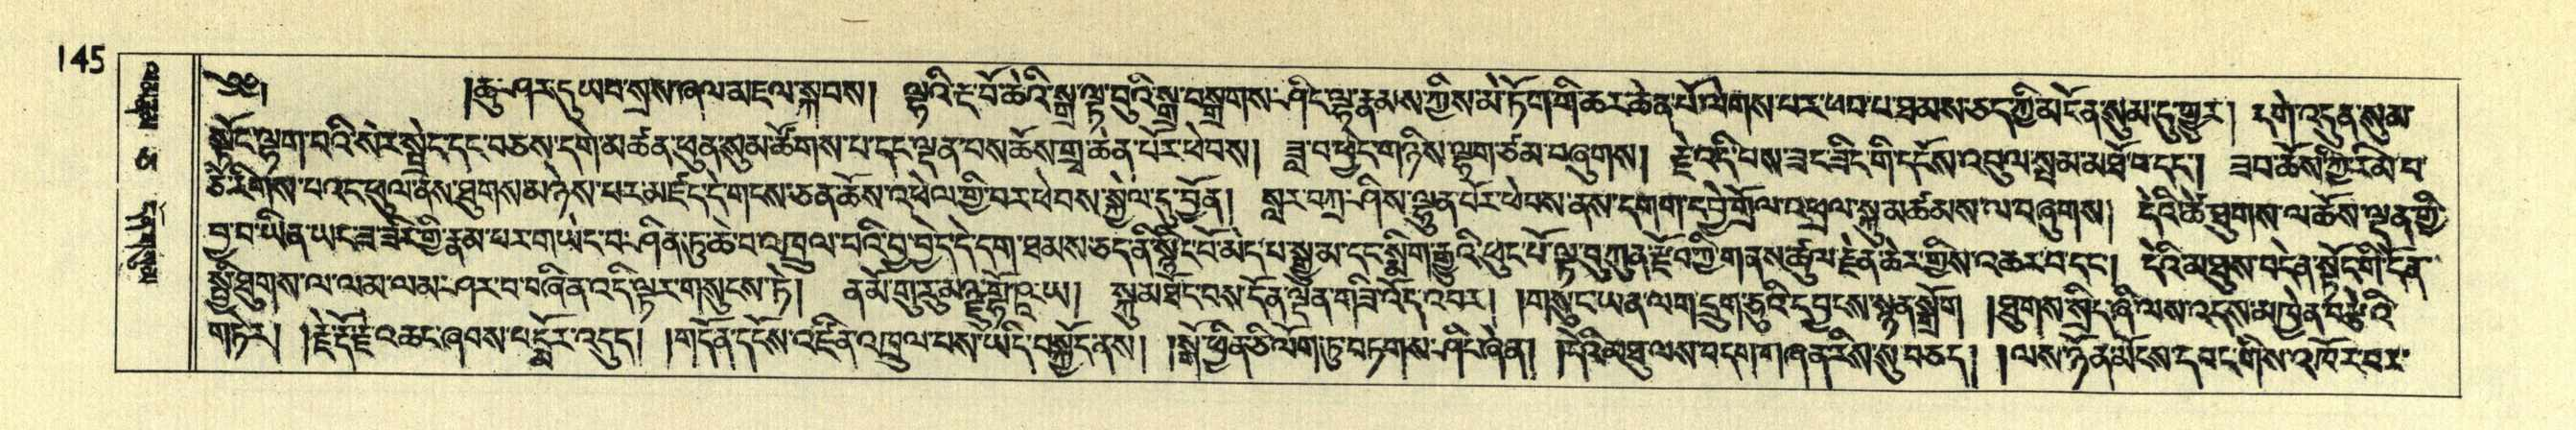༄༅། །ཆུ་ཤར་དུ་ཡབ་སྲས་ཞལ་མཇལ་སྐབས། ལྷའི་རྔ་བོ་ཆེའི་སྒྲ་ལྟ་བུའི་སྒྲ་བསྒྲགས་ཤིང་ལྷ་རྣམས་ཀྱིས་མེ་ཏོག་གི་ཆར་ཆེན་པོ་ལེགས་པར་ཕབ་པ་ཐམས་ཅད་ཀྱི་མངོན་སུམ་དུ་གྱུར། དགེ་འདུན་སུམ་
སྟོང་ལྷག་པའི་སེར་སྦྲེང་དང་བཅས་དགེ་མཚན་ཕུན་སུམ་ཚོགས་པ་དང་ལྡན་པས་ཆོས་གྲྭ་ཆེན་པོར་ཕེབས། ཟླ་བ་ཕྱེད་གཉིས་ལྷག་ཙམ་བཞུགས། རྗེ་འདི་པས་ཟང་ཟིང་གི་དངོས་འབུལ་སྤམ་མཐོ་བ་དང་། ཟབ་ཆོས་ཀྱི་རིམ་པ་
ཅི་རིགས་པའང་ཕུལ་ནས་ཐུགས་མཉེས་པར་མཛད་དེ་གངས་ཅན་ཆོས་འཕེལ་གྱི་བར་ཕེབས་སྐྱེལ་དུ་བྱོན། སླར་བཀྲ་ཤིས་ལྷུན་པོར་ཕེབས་ནས་དགག་དབྱེ་གྲོལ་འཕྲལ་སྐུ་མཚམས་ལ་བཞུགས། དེའི་ཚེ་ཐུགས་ལ་ཆོས་ལྡན་གྱི་
བྱ་བ་ཡིན་ཡང་ཟ་ཟིར་གྱི་རྣམ་པར་གཡེང་བ་ཤིན་ཏུ་ཆེ་བ་འཁྲུལ་པའི་བྱ་བྱེད་དེ་དག་ཐམས་ཅད་ནི་སྙིང་པོ་མེད་པ་སྒྱུ་མ་དང་སྨིག་རྒྱུའི་ཕུང་པོ་ལྟ་བུ་ཀུན་རྫོབ་ཀྱི་གནས་ཚུལ་རྗེན་ཆེར་གྱིས་འཆར་བ་དང་། དེའི་མཐུས་བདེན་སྟོང་གི་དོན་
སྤྱི་ཐུགས་ལ་ལམ་ལམ་ཤར་བ་བཞིན་འདི་ལྟར་གསུངས་ཏེ། ན་མོ་གུ་རུ་མཉྫུ་གྷོ་ཥཱ་ཡ། སྐུ་མཐོང་བས་དོན་ལྡན་གཟི་འོད་འབར། །གསུང་ཡན་ལག་དྲུག་ཅུའི་དབྱངས་སྙན་སྒྲོག །ཐུགས་སྲིད་ཞི་ལས་འདས་མཁྱེན་བརྩེའི་
གཏེར། །རྗེ་རྡོ་རྗེ་འཆང་ཞབས་པདམོར་འདུད། །གདོན་དངོས་འཛིན་འཁྲུལ་པས་ཡིད་བསྐྱོད་ནས། །སྒོ་ཕྱིན་ཅི་ལོག་ཏུ་བཏགས་ཤིང་ཞེ་ན། །དེའི་མཐུ་ལས་བདག་གཞན་རིས་སུ་བཅད། །ལས་ཉོན་མོངས་དབང་གིས་འཁོར་བར་